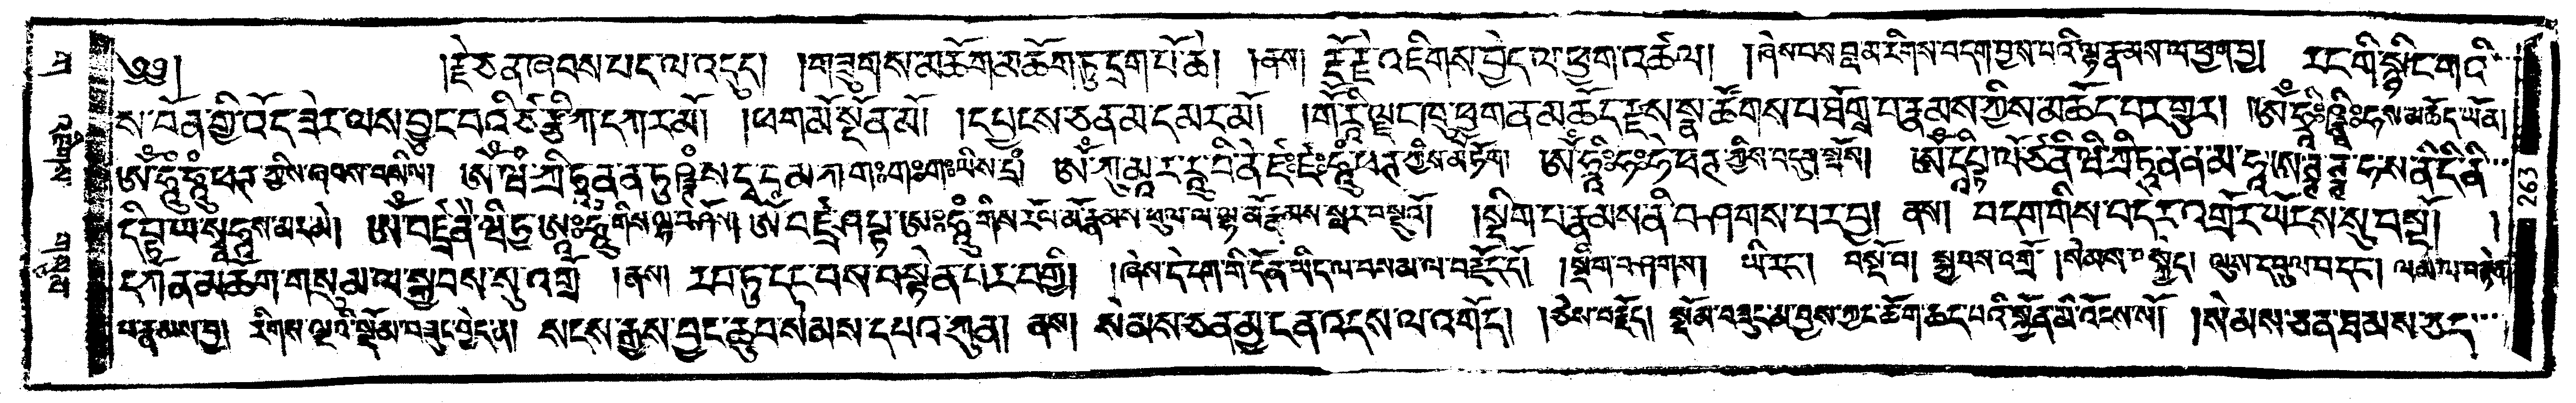༄༅། །རྗེ་ཅན་ཞབས་པད་ལ་འདུད། །གཟུགས་མཆོག་མཆོག་ཏུ་དྲག་པོ་ཆེ། །ནས། རྡོ་རྗེ་འཇིགས་བྱེད་ལ་ཕྱག་འཚལ། །ཞེས་པས་བླ་མ་རིགས་བདག་བྱས་པའི་ལྷ་རྣམས་ལ་ཕྱག་བྱ། རང་གི་སྙིང་གའི་
ས་བོན་གྱི་འོད་ཟེར་ལས་བྱུང་བའི་ཙརྩི་ཀ་དཀར་མོ། །ཕག་མོ་སྔོན་མོ། །དཔྱངས་ཅན་མ་དམར་མོ། །གཽ་རཱི་ལྗང་ཁུ་ཕྱག་ན་མཆོད་རྫས་སྣ་ཚོགས་པ་ཐོགས་པ་རྣམས་ཀྱིས་མཆོད་པར་གྱུར། །ཨོཾ་ཧྲཱིཿཥྚཱིཿཧས་མཆོད་ཡོན།
ཨོཾ་ཧཱུཾ་ཧཱུཾ་ཕཊ་ཀྱིས་ཞབས་བསིལ། ཨོཾ་ཝཾ་ཀྲིཏཱ་ན་ན་ཏུཥྚཾ་སཏྭ་ད་མ་ཀ་གཿགཿགཿཡིས་དྲཾ། ཨོཾ་ཀུ་མཱ་ར་རཱུ་པི་ནེ་ཛཿཛཿཧཱུཾ་ཕཊ་ཀྱིས་མེ་ཏོག། ཨོཾ་ཧྲཱིཿཧཿཧེ་ཕཊ་ཀྱིས་བདུག་སྤོས། ཨོཾ་དཱིཔྟ་ལོ་ཙ་ནི་ཝི་ཀྲི་ཏཱ་ན་ན་མ་ཧཱ་ཨ་ཊྚ་ཊྚ་ཧ་ས་ནི་དི་ནི་
དིཔྟ་ཡ་སྭཱཧཱས་མར་མེ། ཨོཾ་བཛྲ་ནཻ་ཝི་ཏྱ་ཨཱཿཧཱུཾ་གིས་ལྷ་བཤོས། ཨོཾ་བཛྲ་ཤཔྟ་ཨཿཧཱུཾ་གིས་རོལ་མོ་རྣམས་ཕུལ་ལ་ལྷ་མོ་རྣམས་སླར་བསྡུའོ། །སྡིག་པ་རྣམས་ནི་བཤགས་པར་བྱ། ནས། བདག་གིས་བདེར་འགྲོར་ཡོངས་སུ་བསྔོ། །
དཀོན་མཆོག་གསུམ་ལ་སྐྱབས་སུ་འགྲོ་།ནས། རབ་ཏུ་དང་བས་བསྟེན་པར་བགྱི། །ཞེས་དེ་དག་གི་དོན་ཡིད་ལ་བསམ་ལ་བརྗོད་དོ། །སྡིག་བཤགས། ཡི་རང་། བསྔོ་བ། སྐྱབས་འགྲོ་།སེམས་བསྐྱེད། ལུས་དབུལ་བ་དང་། ལམ་ལ་བརྟེན་
པ་རྣམས་བྱ། རིགས་ལྔའི་སྡོམ་བཟུང་བྱེད་ན། སངས་རྒྱས་བྱང་ཆུབ་སེམས་དཔའ་ཀུན། ནས། སེམས་ཅན་མྱ་ངན་འདས་ལ་འགོད། །ཅེས་བརྗོད། སྡོམ་བཟུང་མ་བྱས་ཀྱང་ཆོ་ག་ཆད་པའི་སྐྱོན་མི་འོངས་སོ། །སེམས་ཅན་ཐམས་ཅད་